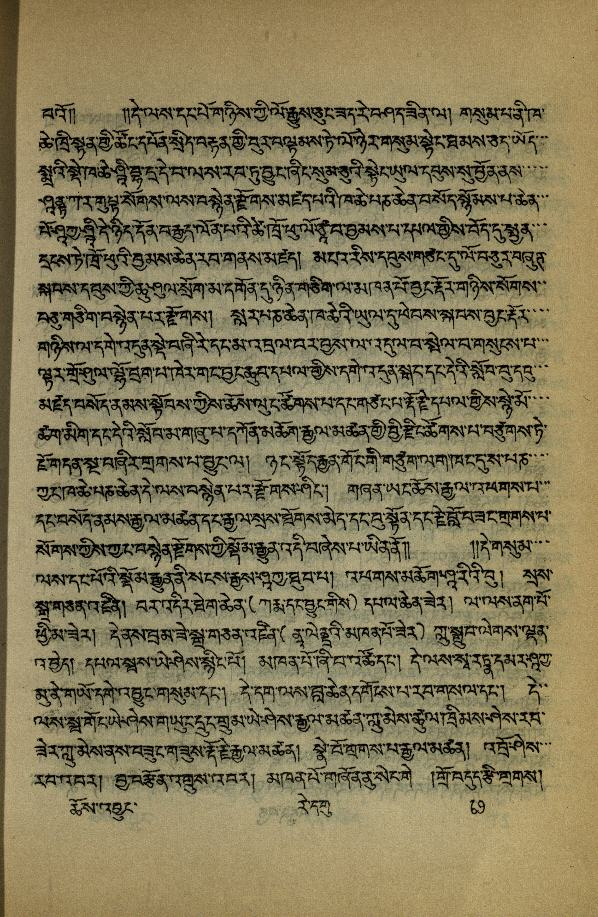བའོ།། །།དེ་ལས་དང་པོ་གཉིས་ཀྱི་ལོ་རྒྱུས་ཅུང་ཟད་རེ་བཤད་ཟིན་ལ། གསུམ་པ་ནི་ཁ་
ཆེ་ཁྲི་སྟན་གྱི་ཚོང་དཔོན་སྲིད་བརྟན་གྱི་བུར་བལྟམས་ཏེ་ལོ་ཉེར་གསུམ་སྟེང་ཐམས་ཅད་ཡོད་
སྨྲའི་སྡེ་ཁ་ཆེ་ཤྲཱི་བྷ་དྲ་དེ་བ་ལས་རབ་ཏུ་བྱུང་ཞིང་སུམ་ཅུའི་སྟེང་ཡུལ་དབུས་སུ་བྱོན་ནས་
ཤཱནྟ་ཀ་ར་གུཔཏ་སོགས་ལས་བསྙེན་རྫོགས་མཛད་པའི་ཁ་ཆེ་པཎ་ཆེན་བསོད་སྙོམས་པ་ཆེན་
པོ་ཤཱཀྱ་ཤྲཱི་དེ་ཉིད་དོན་བརྒྱད་ལོན་པའི་ཚེ་ཁྲོ་ཕུ་ལོ་ཙཱ་བ་བྱམས་པ་དཔལ་གྱིས་བོད་དུ་སྤྱན་
དྲངས་ཏེ་ཁྲོ་ཕུའི་བྱམས་ཆེན་རབ་གནས་མཛད། མངའ་རིས་དབུས་གཙང་དུ་ལོ་བཅུར་བཞུཊ་
སྐབས་དབུས་ཀྱི་ཆུ་ཤུལ་སྲོག་མ་དགོན་དུ་ཉིན་གཅིག་ལ་མཁན་པོ་བྱང་རྡོར་གཉིས་སོགས་
བཅུ་གཅིག་བསྙེན་པར་རྫོགས། སླར་པཎ་ཆེན་ཁ་ཆེའི་ཡུལ་དུ་ཕེབས་སྐྱབས་བྱང་རྡོར་
གཉིས་ལ་དགེ་འདུན་སྡེ་བཞི་རེ་དང་མ་འབྲལ་བར་བྱས་ལ་འདུལ་བ་སྤེལ་བ་གསུངས་པ་
ལྟར་གྲོ་ཤུལ་ལྷོ་བྲག་པ་ཁེར་གང་བྱང་ཆུབ་དཔལ་གྱིས་དགེ་འདུན་སྒང་དང་དེའི་སློབ་བུ་དབུ་
མཛད་བསོད་ནམས་སྟོབས་ཀྱིས་ཆོས་ལུང་ཚོགས་པ་དང་གཙང་པ་རྡོ་རྗེ་དཔལ་གྱིས་སྙེ་མོ་
ཚད་གཅིག་དང་དེའི་སློབ་མ་གཞུ་པ་དཀོན་མཆོག་རྒྱལ་མཚན་གྱི་བྱི་རྫིང་ཚོགས་པ་བཙུགས་ཏེ་
ཇོ་གདན་སྔ་བཞིར་གྲགས་པ་བྱུང་ལ། ཉང་སྟོད་རྒྱན་གོང་གི་གཙུག་ལག་ཁང་དུ་ས་པཎ་
ཀྱང་ཁ་ཆེ་པཎ་ཆེན་དེ་ལས་བསྙེན་པར་རྫོགས་ཤིང་། གཞན་ཡང་ཆོས་རྒྱལ་འཕགས་པ་
དང་བསོད་ནམས་རྒྱལ་མཚན་དང་རྒྱལ་སྲས་ཐོགས་མེད་དང་བུ་སྟོན་དང་རྗེ་བློ་བཟང་གྲགས་པ་
སོགས་ཀྱིས་ཀྱང་བསྙེན་རྫོགས་ཀྱི་སྡོམ་རྒྱུན་འདི་བཞེས་པ་ཡིན་ནོ།། །།དེ་གསུམ་
ལས་དང་པོའི་སྡོམ་རྒྱུན་ནི་སངས་རྒྱས་ཤཱཀྱ་ཐུབ་པ། འཕགས་མཆོག་ཤཱ་རིའི་བུ། སྲས་
སྒྲ་གཅན་འཛིན། བར་འདིར་ཐེག་ཆེན་ཀརྨ་དང་བྱུང་གིས་དཔལ་ཆེན་ཟེར། ལ་ལས་ནག་པོ་
ཕྱི་མ་ཟེར། དེ་ནས་བྲམ་ཟེ་སྒྲ་གཅན་འཛིན་ནཱ་ལེནྡྲའི་མཁན་པོ་ཟེར་ཀླུ་སྒྲུབ་ལེགས་ལྡན་
འབྱེད། དཔལ་སྦས་ཡེ་ཤེས་སྙིང་པོ། མཁན་པོ་ཞི་བ་འཚོ་དང་། དེ་ལས་སྭ་རཏྣ་དམར་ཤཱཀྱ་
མུ་ནེ་གཡོ་དགེ་འབྱུང་གསུམ་དང་། དེ་དག་ལས་བླ་ཆེན་དགོངས་པ་རབ་གསལ་དང་། དེ་
ལས་སྦ་གོང་ཡེ་ཤེས་གཡུང་དྲུང་གྲུམ་ཡེ་ཤེས་རྒྱལ་མཚན་ཀླུ་མེས་ཚུལ་ཁྲིམས་ཤེས་རབ་
ཟེར་ཀླུ་མེས་ནས་བཟུང་གཟུས་རྡོ་རྗེ་རྒྱལ་མཚན། སྣེ་བོ་གྲགས་པ་རྒྱལ་མཚན། འབྲོ་ཤེས་
རབ་འབར། བྱ་བརྩོན་འགྲུས་འབར། མཁན་པོ་གཞོན་ནུ་སེང་གེ །གྲོ་བདུད་རྩི་གྲགས།